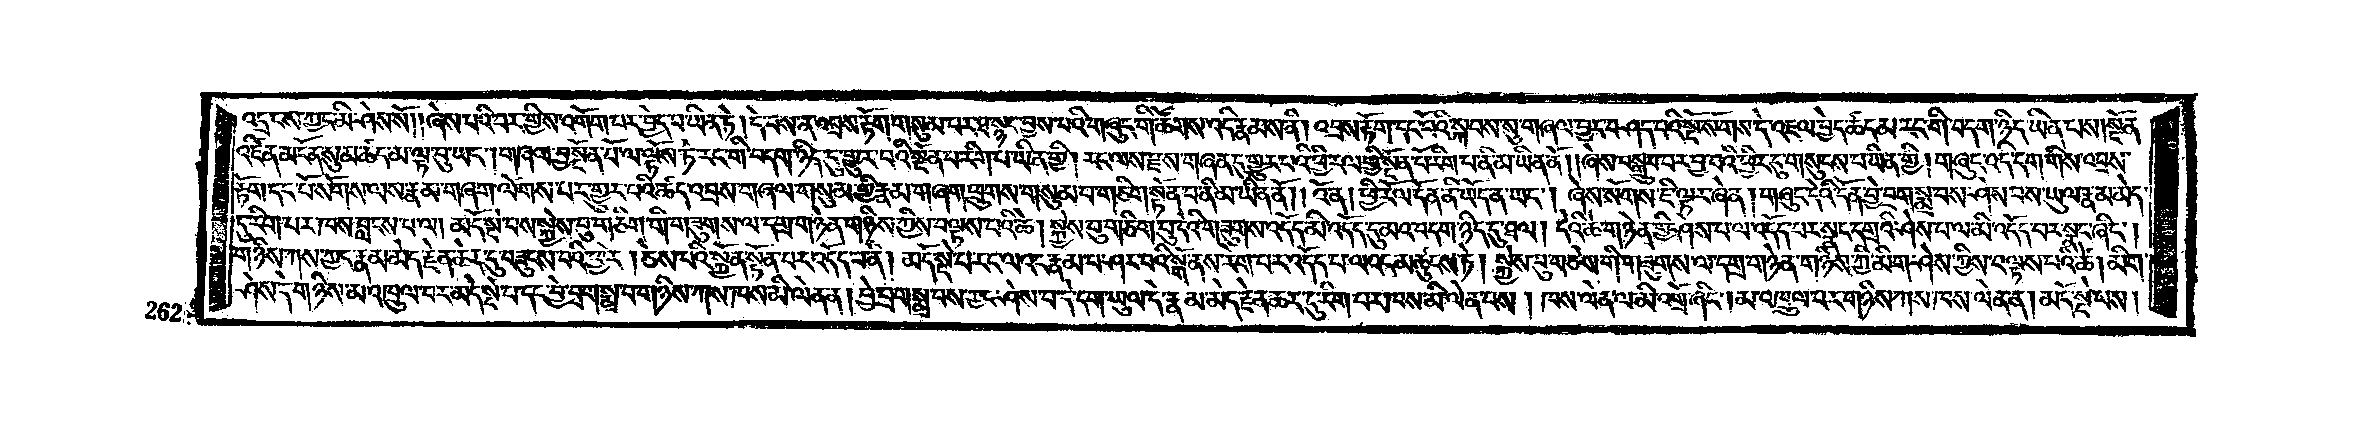འདྲ་ངས་ཀྱང་མི་ཤེས་སོ། །ཞེས་པའི་བར་གྱིས་འགོག་པར་བྱེད་པ་ཡིན་ཏེ། དེ་བས་ན་འབྲས་རྟོག་གསུམ་པར་ཐ་སྙད་བྱས་པའི་གཞུང་གི་ཚིགས་འདི་རྣམས་ནི། འབྲས་རྟོག་དང་པོའི་སྐབས་སུ་གཞལ་བྱར་བཤད་པའི་སྔོ་སོགས་དེ་འཇལ་བྱེད་ཚད་མ་རང་གི་བདག་ཉིད་ཡིན་པས། སྔོན་
འཛིན་མངོན་སུམ་ཚད་མ་ལྟ་བུ་ཡང་། གཞལ་བྱ་སྔོན་པོ་ལ་ལྟོས་ཏེ་རང་གི་བདག་ཉིད་དུ་གྱུར་པའི་སྔོན་པ་རིག་པ་ཡིན་གྱི། རང་ལས་རྫས་གཞན་དུ་གྱུར་པའི་ཕྱི་རོལ་གྱི་སྔོན་པོ་རིག་པ་ནི་མ་ཡིན་ནོ། །ཞེས་བསྒྲུབ་པར་བྱ་བའི་ཕྱིར་དུ་གསུངས་པ་ཡིན་གྱི། གཞུང་འདི་དག་གིས་འབྲས་
རྟོག་དང་པོ་སོགས་ལས་རྣམ་གཞག་ལོགས་པར་གྱུར་པའི་ཚད་འབྲས་གཞལ་གསུམ་གྱི་རྣམ་གཞག་ཕྲུགས་གསུམ་པ་གཅིག་སྟོན་པ་ནི་མ་ཡིན་ནོ། །འོ་ན། ཕྱི་རོལ་དོན་ནི་ཡོད་ན་ཡང་། ཞེས་སོགས་ཇི་ལྟར་ཞེ་ན། གཞུང་དེའི་དོན་བྱེ་བྲག་སྨྲ་བས་ཤེས་པས་ཡུལ་རྣམ་མེད་
དུ་རིག་པར་ཁས་བླངས་པ་ལ། མདོ་སྡེ་པས་སྐྱེས་བུ་གཅིག་གི་གཟུགས་ལ་དགྲ་གཉེན་གཉིས་ཀྱིས་བལྟས་པའི་ཚེ། སྐྱེས་བུ་གཅིག་པུ་དེའི་གཟུགས་འདོད་མི་འདོད་དུ་མའི་བདག་ཉིད་དུ་ཐལ། དེའི་ཚེ་གཉེན་གྱི་ཤེས་པ་ལ་འདོད་པར་སྣང་དགྲའི་ཤེས་པ་ལ་མི་འདོད་པར་སྣང་ཞིང་།
གཉིས་ཀས་ཀྱང་རྣམ་མེད་རྗེན་ཆེར་དུ་བཟུངས་བའི་ཕྱིར། ཅེས་པའི་སྐྱོན་སྟོན་པར་འདོད་པ་ནི། མདོ་སྡེ་པ་རང་ལའང་རྣམ་པ་ཤར་བའི་སྒོ་ནས་རེག་པར་འདོད་པ་ལའང་མཚུངས་ཏེ། སྐྱེས་བུ་གཅིག་གི་གཟུགས་ལ་དགྲ་གཉེན་གཉིས་ཀྱི་མིག་ཤེས་ཀྱིས་བལྟས་པའི་ཚེ། མིག་
ཤེས་དེ་གཉིས་མ་འཁྲུལ་བར་མདོ་སྡེ་པ་དང་བྱེ་བྲག་སྨྲ་བ་གཉིས་ཀས་ཁས་མི་ལེན་ན། བྱེ་བྲག་སྨྲ་བས་ཀྱང་ཤེས་པ་དེ་དག་ཡུལ་དེ་རྣམ་མེད་རྗེན་ཆར་དུ་རིག་པར་ཁས་མི་ལེན་པས། ཁས་ལེན་ལ་མི་འགྲོ་ཞིང་། མ་འཁྲུལ་བར་གཉིས་ཀས་ཁས་ལེན་ན། མདོ་སྡེ་པས།